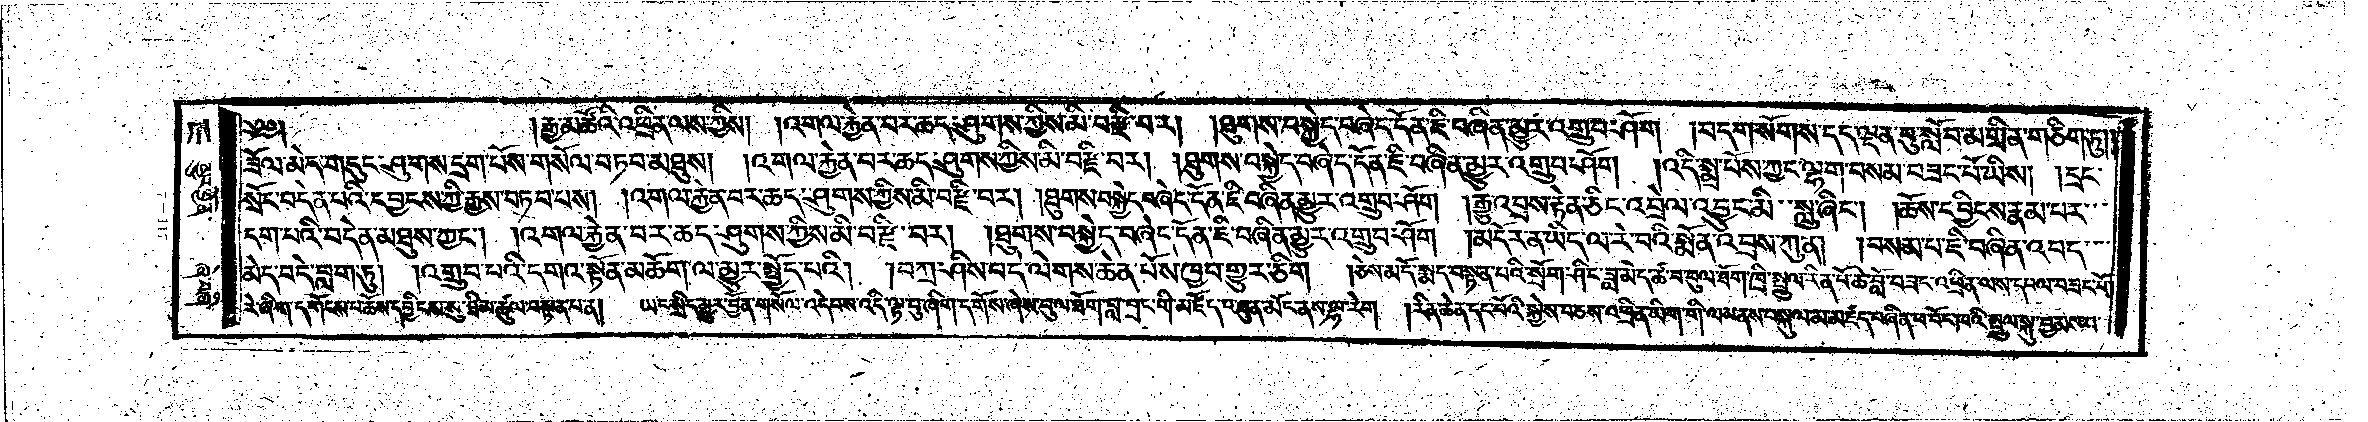༄༅། །རྒྱ་མཚོའི་འཕྲིན་ལས་ཀྱིས། །འགལ་རྐྱེན་པར་ཆད་ཤུགས་ཀྱིས་མི་བརྫི་བར། །ཐུགས་བསྐྱེད་བཞེད་དོན་ཇི་བཞིན་མྱུར་འགྲུབ་ཤོག །བདག་སོགས་དད་ལྡན་བུ་སློབ་མགྲིན་གཅིག་ཏུ། །
ཟོལ་མེད་གདུང་ཤུགས་དྲག་པོས་གསོལ་བཏབ་མཐུས། །འགལ་རྐྱེན་བར་ཆད་ཤུགས་ཀྱིས་མི་བརྫི་བར། །ཐུགས་བསྐྱེད་བཞེད་དོན་ཇི་བཞིན་མྱུར་འགྲུབ་ཤོག །འདི་སྨྲ་པོས་ཀྱང་ལྷག་བསམ་བཟང་པོ་ཡིས། །དྲང་
སྲོང་བདེན་པའི་དབྱངས་ཀྱིས་རྒྱས་བཏབ་པས། །འགལ་རྐྱེན་བར་ཆད་ཤུགས་ཀྱིས་མི་བརྫི་བར། །ཐུགས་བསྐྱེད་བཞེད་དོན་ཇི་བཞིན་མྱུར་འགྲུབ་ཤོག །རྒྱུ་འབྲས་རྟེན་ཅིང་འབྲེལ་འབྱུང་མི་བསླུ་ཞིང་། །ཆོས་དབྱིངས་རྣམ་པར་
དག་པའི་བདེན་མཐུས་ཀྱང་། །འགལ་རྐྱེན་བར་ཆད་ཤུགས་ཀྱིས་མི་བརྫི་བར། །ཐུགས་བསྐྱེད་བཞེད་དོན་ཇི་བཞིན་མྱུར་འགྲུབ་ཤོག །མདོར་ན་ཡིད་ལ་རེ་བའི་སྨོན་འབྲས་ཀུན། །བསམ་བ་ཇི་བཞིན་འབད་
མེད་བདེ་བླག་ཏུ། །འགྲུབ་པའི་དགའ་སྟོན་མཆོག་ལ་མྱུར་སྤྱོད་པའི། །བཀྲ་ཤིས་བདེ་ལེགས་ཆེན་པོས་ཁྱབ་གྱུར་ཅིག །ཅེས་མདོ་སྨད་བསྟན་པའི་སྲོག་ཤིང་ཟླ་མེད་ཚ་བ་བུལ་ཐོག་ཁྲི་སྤྲུལ་རིན་པོ་ཆེ་བློ་བཟང་འཕྲིན་ལས་དཔལ་བཟང་པོ་
རེ་ཞིག་དགོངས་པ་ཆོས་དབྱིངས་སུ་ཐིམ་ཚུལ་བསྟན་པ་ན། ཡང་སྲིད་མྱུར་བྱོན་གསོལ་འདེབས་འདི་ལྟ་བུ་ཞིག་དགོས་ཞེས་བུལ་ཐོག་བླ་བྲང་གི་མཛོད་པ་ཐུན་མོང་ནས་ལྷ་རེག །རིན་ཆེན་དང་པོའི་སྐྱེས་བཅས་འཕྲིན་ཡིག་གི་ལམ་ནས་བསྐུལ་མ་མཛད་བཞིན་ཕ་བོང་ཁའི་སྤྲུལ་སྐུ་བྱམས་པ་